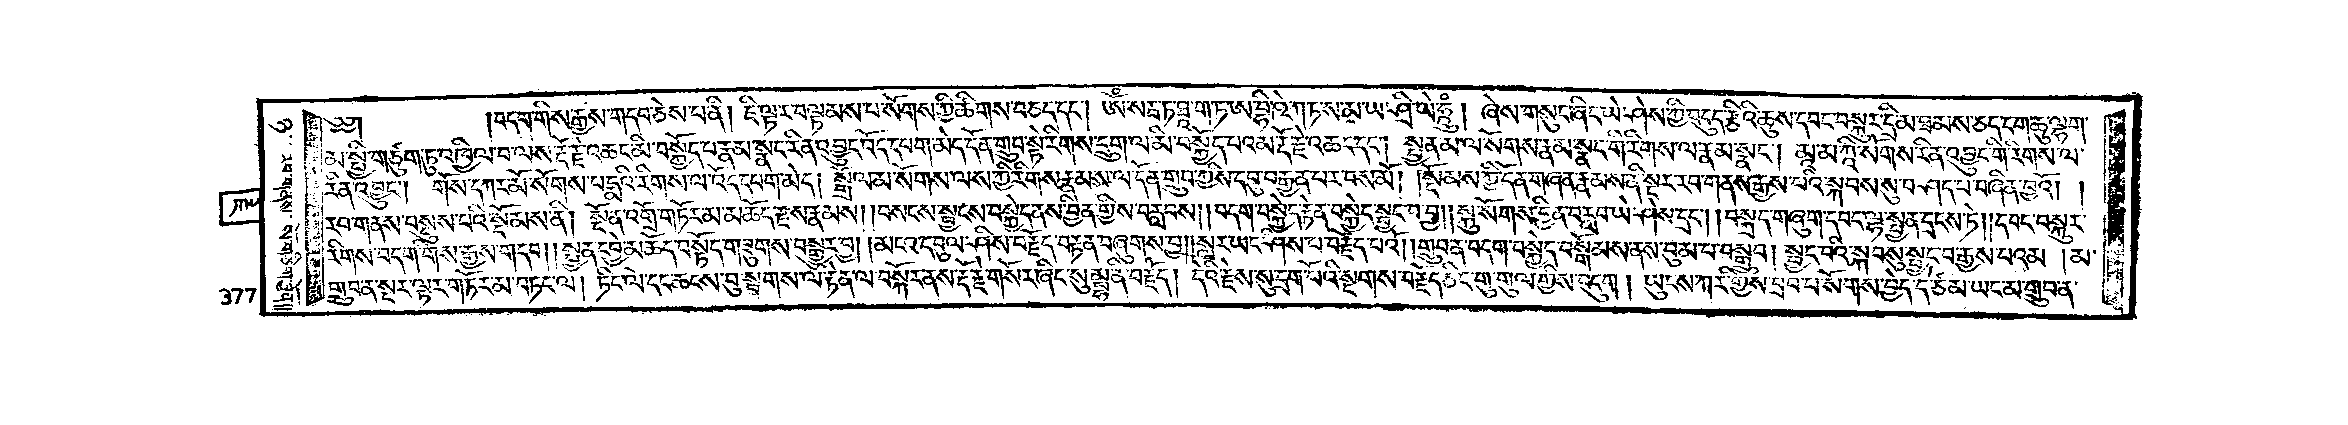༄༅། །བདག་གིས་རྒྱས་གདབ་ཅེས་པ་ནི། ཇི་ལྟར་བལྟམས་པ་སོགས་ཀྱི་ཚིགས་བཅད་དང་། ཨོཾ་སརྦ་ཏ་ཐཱ་ག་ཏ་ཨ་བྷི་ཥེ་ཀ་ཏ་ས་མ་ཡ་ཤྲི་ཡེ་ཧཱུཾ། ཞེས་གསུང་ཞིང་ཡེ་ཤེས་ཀྱི་བདུད་རྩིའི་ཆུས་དབང་བསྐུར་དྲི་མ་ཐམས་ཅད་དག་ཆུ་ལྷག་
མ་སྤྱི་གཙུག་ཏུ་འཁྱིལ་བ་ལས་རྡོ་རྗེ་འཆང་མི་བསྐྱོད་པ་རྣམ་སྣང་རིན་འབྱུང་འོད་དཔག་མེད་དོན་གྲུབ་སྟེ་རིགས་དྲུག་ལ་མི་བསྐྱོད་པའམ་རྡོ་རྗེ་འཆང་དང་། སྤྱན་མ་ལ་སོགས་རྣམ་སྣང་གི་རིགས་ལ་རྣམ་སྣང་། མཱ་མ་ཀཱི་སོགས་རིན་འབྱུང་གི་རིགས་ལ་
རིན་འབྱུང་། གོས་དཀར་མོ་སོགས་པདམའི་རིགས་ལ་འོད་དཔག་མེད། སྒྲོལ་མ་སོགས་ལས་ཀྱི་རིགས་རྣམས་ལ་དོན་གྲུབ་ཀྱིས་དབུ་བརྒྱན་པར་བསམ་མོ། །སྡོམས་ཀྱི་དོན་གཞན་རྣམས་ནི་སྔར་རབ་གནས་རྒྱས་པའི་སྐབས་སུ་བཤད་པ་བཞིན་བྱའོ། །
རབ་གནས་བསྡུས་པའི་སྡོམས་ནི། སྔོན་འགྲོ་གཏོར་མ་མཆོད་རྫས་རྣམས། །བསངས་སྦྱངས་བསྐྱེད་ནས་བྱིན་གྱིས་བརླབས། །བདག་བསྐྱེད་རྟེན་བསྐྱེད་སྦྱང་བ་བྱ། །སྐུ་སོགས་བྱིན་བརླབ་ཡེ་ཤེས་དྲང་། །བསྐྲད་གཞུག་དབང་ལྷ་སྤྱན་དྲངས་ཏེ། །དབང་བསྐུར་
རིགས་བདག་གིས་རྒྱས་གདབ། །སྤྱན་དབྱེ་མཆོད་བསྟོད་གཟུགས་བསྒྱུར་བྱ། །མངའ་དབུལ་ཤིས་བརྗོད་བརྟན་བཞུགས་བྱ། །སླར་ཡང་ཤིས་པ་བརྗོད་པའོ། །གྲུབ་ན་བདག་བསྐྱེད་བསྒོམས་ནས་བུམ་པ་བསྒྲུབ། སྦྱང་བའི་སྐབས་སུ་སྦྱང་བ་རྒྱས་པའམ། མ་
གྲུབ་ན་སྔར་ལྟར་གཏོར་མ་བཏང་ལ། ཏིང་ལེ་དང་ཚངས་བུ་སྦྲགས་ལ་རྟེན་ལ་བསྐོར་ནས་རྡོ་རྗེ་གསོར་ཞིང་སུམྦྷ་ནི་བརྗོད། དེའི་རྗེས་སུ་དྲག་པོའི་སྔགས་བརྗོད་ཅིང་གུ་གུལ་གྱིས་བདུག །ཡུངས་ཀར་གྱིས་བྲབ་པ་སོགས་བྱེད་དེ་ཙམ་ཡང་མ་གྲུབ་ན་